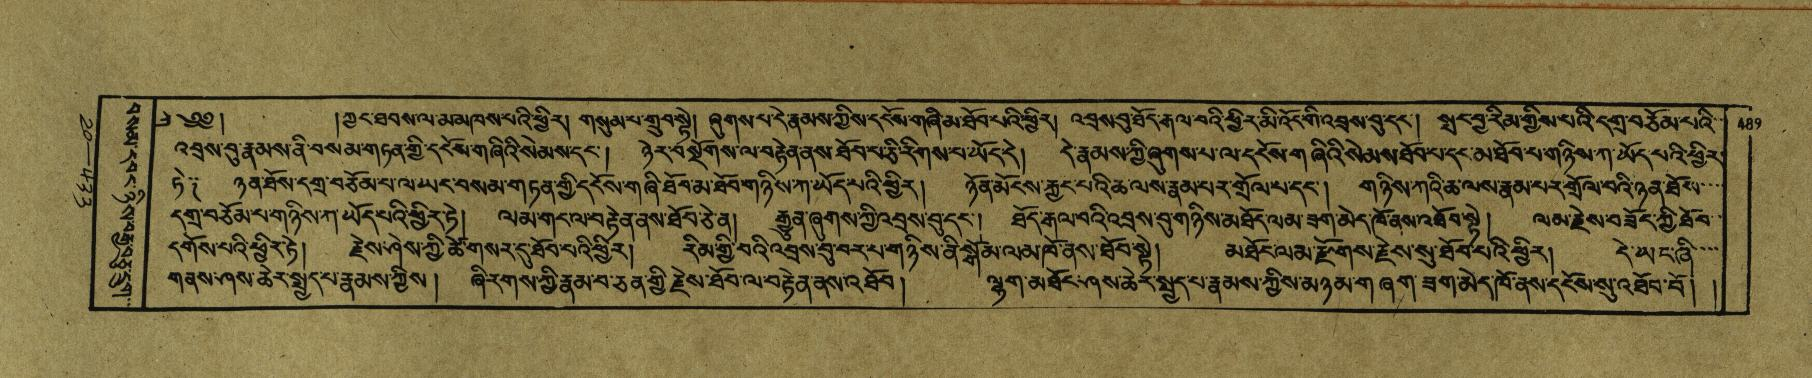༄༅། །ཀྱང་ཐབས་ལ་མ་མཁས་པའི་ཕྱིར། གསུམ་པ་གྲུབ་སྟེ། ཞུགས་པ་དེ་རྣམས་ཀྱིས་དངོས་གཞི་མ་ཐོབ་པའི་ཕྱིར། འབྲས་བུ་ཐོད་རྒལ་བའི་ཕྱིར་མི་འོང་གི་འབྲས་བུ་དང་། སྤང་བྱ་རིམ་གྱིས་པའི་དགྲ་བཅོམ་པའི་
འབྲས་བུ་རྣམས་ནི་བསམ་གཏན་གྱི་དངོས་གཞིའི་སེམས་དང་། ཉེར་བསྡོགས་ལ་བརྟེན་ནས་ཐོབ་པ་ཅི་རིགས་པ་ཡོད་དེ། དེ་རྣམས་ཀྱི་ཞུགས་པ་ལ་དངོས་གཞིའི་སེམས་ཐོབ་པ་དང་མ་ཐོབ་པ་གཉིས་ཀ་ཡོད་པའི་ཕྱིར་
ཏེ༑ ཉན་ཐོས་དགྲ་བཅོམ་པ་ལ་ཡང་བསམ་གཏན་གྱི་དངོས་གཞི་ཐོབ་མ་ཐོབ་གཉིས་ཀ་ཡོད་པའི་ཕྱིར། ཉོན་མོངས་རྐྱང་པའི་ཆ་ལས་རྣམ་པར་གྲོལ་པ་དང་། གཉིས་ཀའི་ཆ་ལས་རྣམ་པར་གྲོལ་བའི་ཉན་ཐོས་
དགྲ་བཅོམ་པ་གཉིས་ཀ་ཡོད་པའི་ཕྱིར་ཏེ། ལམ་གང་ལ་བརྟེན་ནས་ཐོབ་ཅེ་ན། རྒྱུན་ཞུགས་ཀྱི་འབྲས་བུ་དང་། ཐོད་རྒལ་བའི་འབྲས་བུ་གཉིས་མཐོང་ལམ་ཟག་མེད་ཁོ་ནས་འཐོབ་སྟེ། ལམ་རྗེས་བཟོད་ཀྱི་ཐོབ་
དགོས་པའི་ཕྱིར་ཏེ། རྗེས་ཤེས་ཀྱི་ཚེ་གསར་དུ་ཐོབ་པའི་ཕྱིར། རིམ་གྱི་བའི་འབྲས་བུ་བར་པ་གཉིས་ནི་སྒོམ་ལམ་ཁོ་ནས་ཐོབ་སྟེ། མཐོང་ལམ་རྫོགས་རྗེས་སུ་ཐོབ་པའི་ཕྱིར། དེ་ཡང་ཞི་
གནས་ཤས་ཆེར་སྤྱད་པ་རྣམས་ཀྱིས། ཞི་རགས་ཀྱི་རྣམ་བ་ཅན་གྱི་རྗེས་ཐོབ་ལ་བརྟེན་ནས་འཐོབ། ལྷག་མཐོང་ཤས་ཆེར་སྤྱད་པ་རྣམས་ཀྱིས་མཉམ་གཞག་ཟག་མེད་ཁོ་ནས་དངོས་སུ་འཐོབ་བོ། །